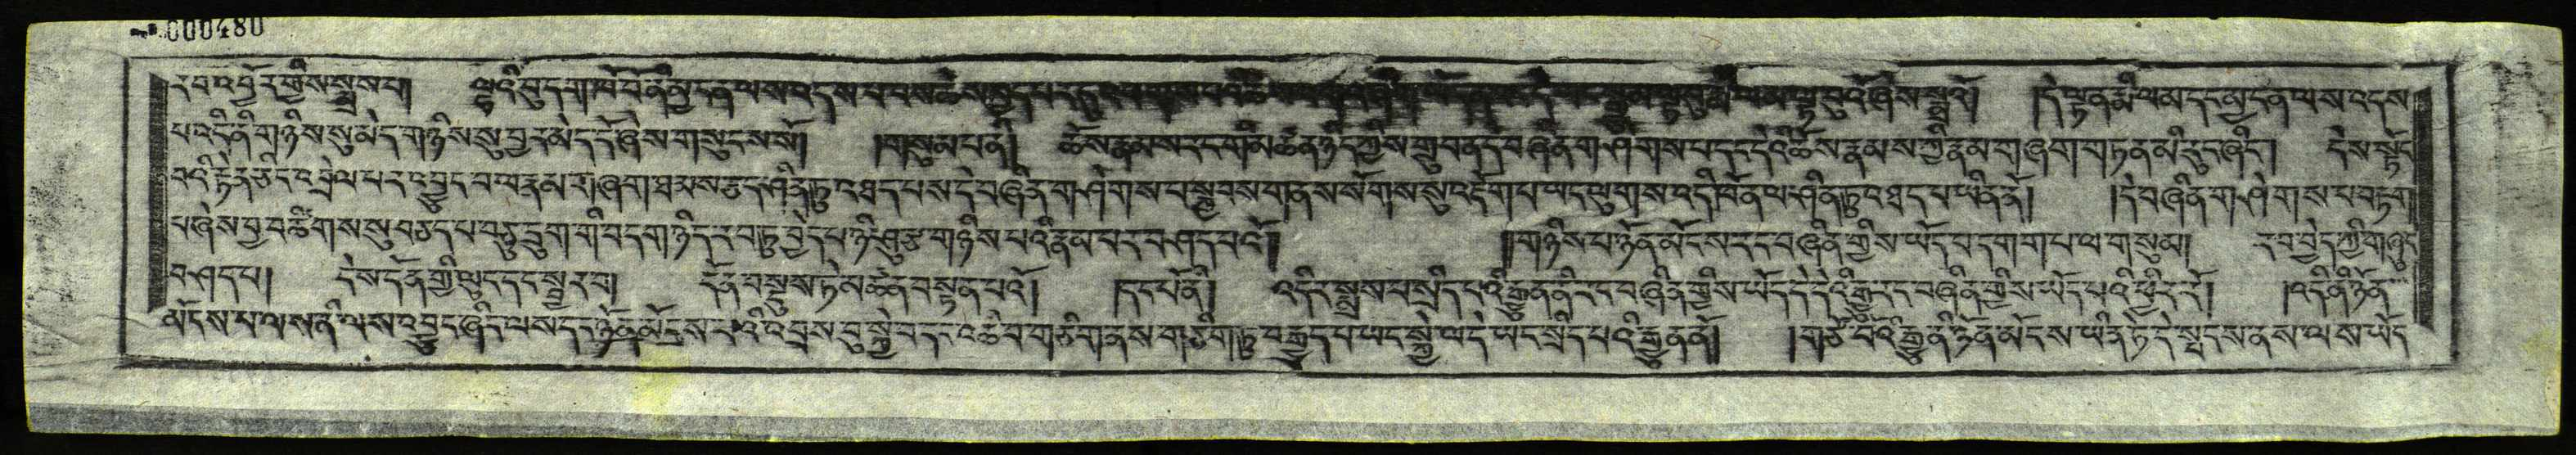རབ་འབྱོར་གྱིས་སྨྲས་པ། ལྷའི་བུ་དག་ཁོ་བོ་ནི་མྱ་ངན་ལས་འདས་པ་བས་ཆེས་ཁྱད་པར་དུ་འཕགས་པའི་ཆོས་འགའ་ཞིག་ཡོད་ནས་བདེ་ཡང་སྒྱུ་མ་ལྟ་བུ་རྨི་ལམ་ལྟ་བུའོ་ཞེས་སྨྲའོ། །དེ་ལྟ་ན་རྨི་ལམ་དང་མྱ་ངན་ལས་འདས་
པ་འདི་ནི་གཉིས་སུ་མེད་གཉིས་སུ་བྱར་མེད་དོ་ཞེས་གསུངས་སོ། །གསུམ་པ་ནི། ཆོས་རྣམས་རང་གི་མཚན་ཉིད་ཀྱིས་གྲུབ་ན་དེ་བཞིན་གཤེགས་པ་དང་དེའི་ཆོས་རྣམས་ཀྱི་རྣམ་གཞག་གཏན་མི་རུང་ཞིང་། དེས་སྟོང་
པའི་རྟེན་ཅིང་འབྲེལ་པར་འབྱུང་བ་ལ་རྣམ་གཞག་ཐམས་ཅད་ཤིན་ཏུ་འཐད་པས་དེ་བཞིན་གཤེགས་པ་སྐྱབས་གནས་སོགས་སུ་འཇོག་པ་ཡང་ལུགས་འདི་ཁོ་ན་ལ་ཤིན་ཏུ་འཐད་པ་ཡིན་ནོ། །དེ་བཞིན་གཤེགས་པ་བརྟག་
པ་ཞེས་བྱ་བ་ཚིགས་སུ་བཅད་པ་བཅུ་དྲུག་གི་བདག་ཉིད་རབ་ཏུ་བྱེད་པ་ཉི་ཤུ་རྩ་གཉིས་པའི་རྣམ་པར་བཤད་པའོ།། །།གཉིས་པ་ཉོན་མོངས་རང་བཞིན་གྱིས་ཡོད་པ་དགག་པ་ལ་གསུམ། རབ་བྱེད་ཀྱི་གཞུང་
བཤད་པ། དེས་དོན་གྱི་ལུང་དང་སྦྱར་བ། དོན་བསྡུས་ཏེ་མཚན་བསྟན་པའོ། །དང་པོ་ནི། འདིར་སྨྲས་པ་སྲིད་པའི་རྒྱུན་ནི་རང་བཞིན་གྱིས་ཡོད་དེ་དེའི་རྒྱུ་རང་བཞིན་གྱིས་ཡོད་པའི་ཕྱིར་རོ། །འདི་ནི་ཉོན་
མོངས་པ་ལས་ནི་ལས་འབྱུང་ཞིང་ལས་དང་ཉོན་མོངས་པའི་འབྲས་བུ་སྐྱེ་བ་དང་འཆི་བ་གཅིག་ནས་གཅིག་ཏུ་བརྒྱུད་པ་ཡང་སྐྱེ་ལ་དེ་ཡང་སྲིད་པའི་རྒྱུན་ནོ། །གཙོ་བོའི་རྒྱུ་ནི་ཉོན་མོངས་ཡིན་ཏེ་དེ་སྤངས་ནས་ལས་ཡོད་